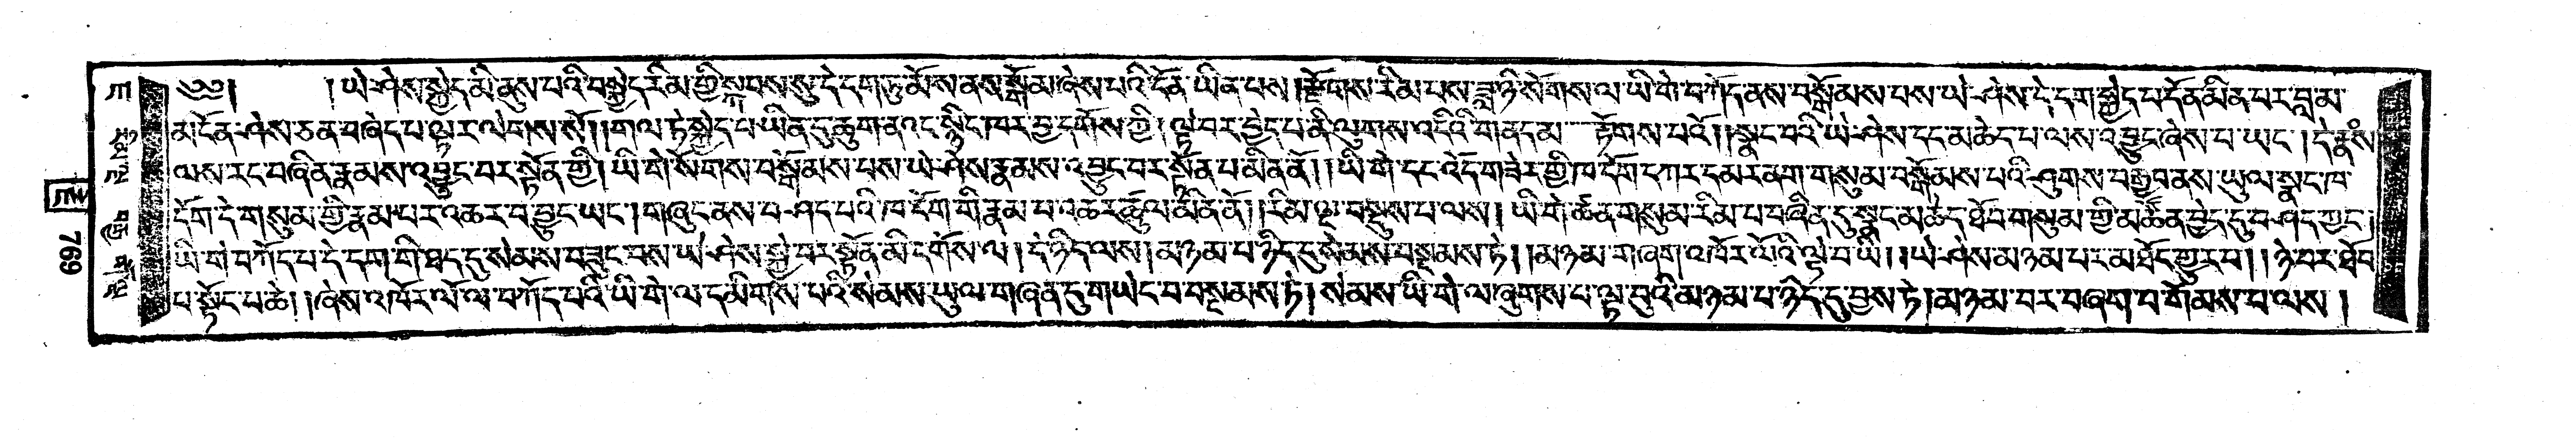༄༅། །ཡེ་ཤེས་སྐྱེད་མི་ནུས་པའི་བསྐྱེད་རིམ་གྱི་སྐབས་སུ་དེ་དག་ཏུ་མོས་ནས་སྒོམ་ཞེས་པའི་དོན་ཡིན་པས། རྫོགས་རིམ་པས་ཟླ་ཉི་སོགས་ལ་ཡི་གེ་བཀོད་ནས་བསྒོམས་པས་ཡེ་ཤེས་དེ་དག་སྐྱེད་པ་དོན་མིན་པར་བླ་མ་
མངོན་ཤེས་ཅན་བཞེད་པ་ལྟར་ལེགས་སོ། །གལ་ཏེ་སྐྱེད་པ་ཡིན་དུ་ཆུག་ནའང་སྙིང་ཁར་བྱ་དགོས་ཀྱི། ལྟེ་བར་བྱེད་པ་ནི་ལུགས་འདིའི་གནད་མ་རྟོགས་པའོ། །སྣང་བའི་ཡེ་ཤེས་དང་མཆེད་པ་ལས་འབྱུང་ཞེས་པ་ཡང་། ད་རྣམས་
ལས་རང་བཞིན་རྣམས་འབྱུང་བར་སྟོན་གྱི། ཡི་གེ་སོགས་བསྒོམས་པས་ཡེ་ཤེས་རྣམས་འབྱུང་བར་སྟོན་པ་མིན་ནོ། །ཡི་གེ་དང་འོད་གཟེར་གྱི་ཁ་དོག་དཀར་དམར་ནག་གསུམ་བསྒོམས་པའི་ཤུགས་བརྒྱབ་ནས་ཡུལ་སྣང་ཁ་
དོག་དེ་གསུམ་གྱི་རྣམ་པར་འཆར་བ་བྱུང་ཡང་། གཞུང་ནས་བཤད་པའི་ཁ་དོག་གི་རྣམ་པ་འཆར་ཚུལ་མིན་ནོ། །རིམ་ལྔ་བསྡུས་པ་ལས། ཡི་གེ་ཚན་གསུམ་རིམ་པ་བཞིན་དུ་སྣང་མཆེད་ཐོབ་གསུམ་གྱི་མཚོན་བྱེད་དུ་བཤད་ཀྱང་།
ཡི་གེ་བཀོད་པ་དེ་དག་གི་ཐད་དུ་སེམས་བཟུང་བས་ཡེ་ཤེས་སྐྱེ་བར་སྟོན་མི་དགོས་ལ། དེ་ཉིད་ལས། མཉམ་པ་ཉིད་དུ་སེམས་བསྔམས་ཏེ། །མཉམ་གཞག་འཁོར་ལོའི་ལྟེ་བ་ཡི། །ཡེ་ཤེས་མཉམ་པར་མཐོང་གྱུར་པ། །ཉེ་བར་ཐོབ་
པ་སྟོང་པ་ཆེ། །ཞེས་འཁོར་ལོ་ལ་བཀོད་པའི་ཡི་གེ་ལ་དམིགས་པའི་སེམས་ཡུལ་གཞན་དུ་གཡེང་བ་བསྔམས་ཏེ། སེམས་ཡི་གེ་ལ་ཞུགས་པ་ལྟ་བུའི་མཉམ་པ་ཉིད་དུ་བྱས་ཏེ། མཉམ་བར་བཞག་པ་གོམས་བ་ལས།